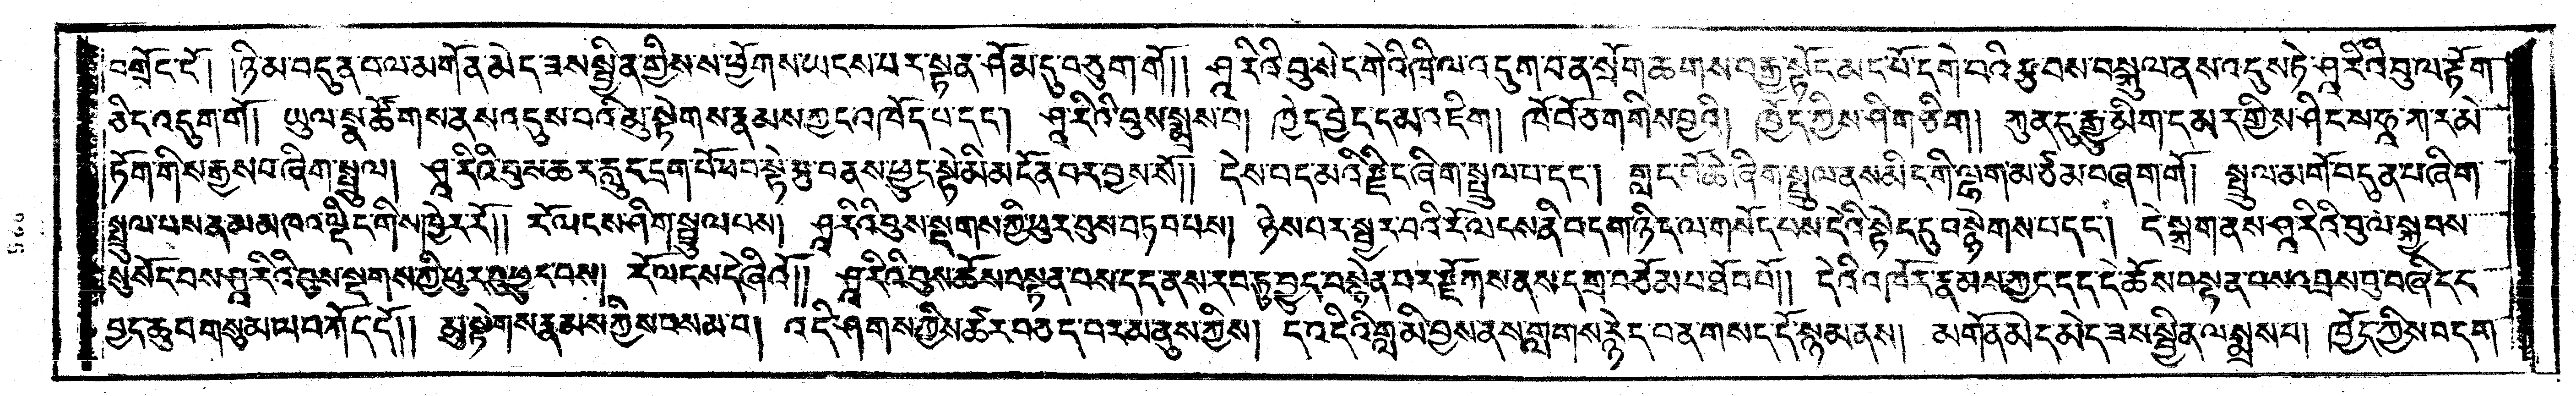བགྲོང་ངོ། །ཉི་མ་བདུན་བ་ལ་མགོན་མེད་ཟས་སྦྱིན་གྱིས་ས་ཕྱོགས་ཡངས་པར་སྟན་ཤོམ་དུ་བཅུག་གོ།། ཤཱ་རིའི་བུ་སེང་གེའི་ཁྲི་ལ་འདུག་བ་ན་སྲོག་ཆགས་བརྒྱ་སྟོང་མང་པོ་དགེ་བའི་རྩ་བས་བསྐུལ་ནས་འདུས་ཏེ་ཤཱ་རིའི་བུ་ལ་རྟོག་
ཅིང་འདུག་གོ། ཡུལ་སྣ་ཚོགས་ནས་འདུས་བའི་མུ་སྟེགས་རྣམས་ཀྱང་འཁོད་པ་དང་། ཤཱ་རིའི་བུས་སྨྲས་པ། ཁྱེད་བྱེད་དམ་འཇིག། ཁོ་བོ་ཅག་གིས་བྱའི། ཁྱོད་ཀྱིས་ཤི་གཅིག། ཀུན་དུ་རྒྱུ་མིག་དམར་གྱིས་ཤིངས་ཧཱ་ཀ་ར་མེ་
ཏོག་གིས་རྒྱས་བ་ཞིག་སྤྲུལ། ཤཱ་རིའི་བུས་ཆར་རླུང་དྲག་པོ་ཕབ་སྟེ་རྩ་བ་ནས་ཕྱུང་སྟེ་མི་མངོན་པར་བྱས་སོ།། དེས་པད་མའི་རྫིང་ཞིག་སྤྲུལ་པ་དང་། གླང་བོ་ཆེ་ཞིག་སྤྲུལ་ནས་མིང་གི་ལྷག་མ་ཙམ་བཞག་གོ། སྤྲུལ་མགོ་བདུན་པ་ཞིག་
སྤྲུལ་པས་ནམ་མཁའ་ལྡིང་གིས་ཁྱེར་རོ།། རོ་ལངས་ཤིག་སྤྲུལ་པས། ཤཱ་རིའི་བུས་སྔགས་ཀྱི་ཕུར་བུས་བཏབ་པས། ཉེས་པར་སྦྱར་བའི་རོ་ལངས་ནི་བདག་ཉིད་ལ་གསོད་པས་དེའི་སྟེང་དུ་བསྙེགས་པ་དང་། དེ་སྐྲག་ནས་ཤཱ་རིའི་བུ་ལ་སྐྱབས་
སུ་སོང་བས་ཤཱ་རིའི་བུས་སྔགས་ཀྱི་ཕུར་བུ་ཕྱུང་བས། རོ་ལངས་དེ་ཞིའོ།། ཤཱ་རིའི་བུས་ཆོས་བསྟན་པས་དད་ནས་རབ་ཏུ་བྱུང་བསྙེན་བར་རྫོགས་ནས་དགྲ་བཅོམ་པ་ཐོབ་པོ།། དེའི་འཁོར་རྣམས་ཀྱང་དད་དེ་ཆོས་བསྟན་པས་འབྲས་བུ་བཞི་དང་
བྱང་ཆུབ་གསུམ་ལ་བཀོད་དོ།། མུ་སྟེགས་རྣམས་ཀྱིས་བསམ་བ། འདི་ཤགས་ཀྱིས་ཚར་བཅད་བར་མ་ནུས་ཀྱིས། ད་འདིའི་གླ་མི་བྱས་ནས་གླགས་རྙེད་པ་ན་གསད་དོ་སྙམ་ནས། མགོན་མེད་མེད་ཟས་སྦྱིན་ལ་སྨྲས་བ། ཁྱོད་ཀྱིས་བདག་